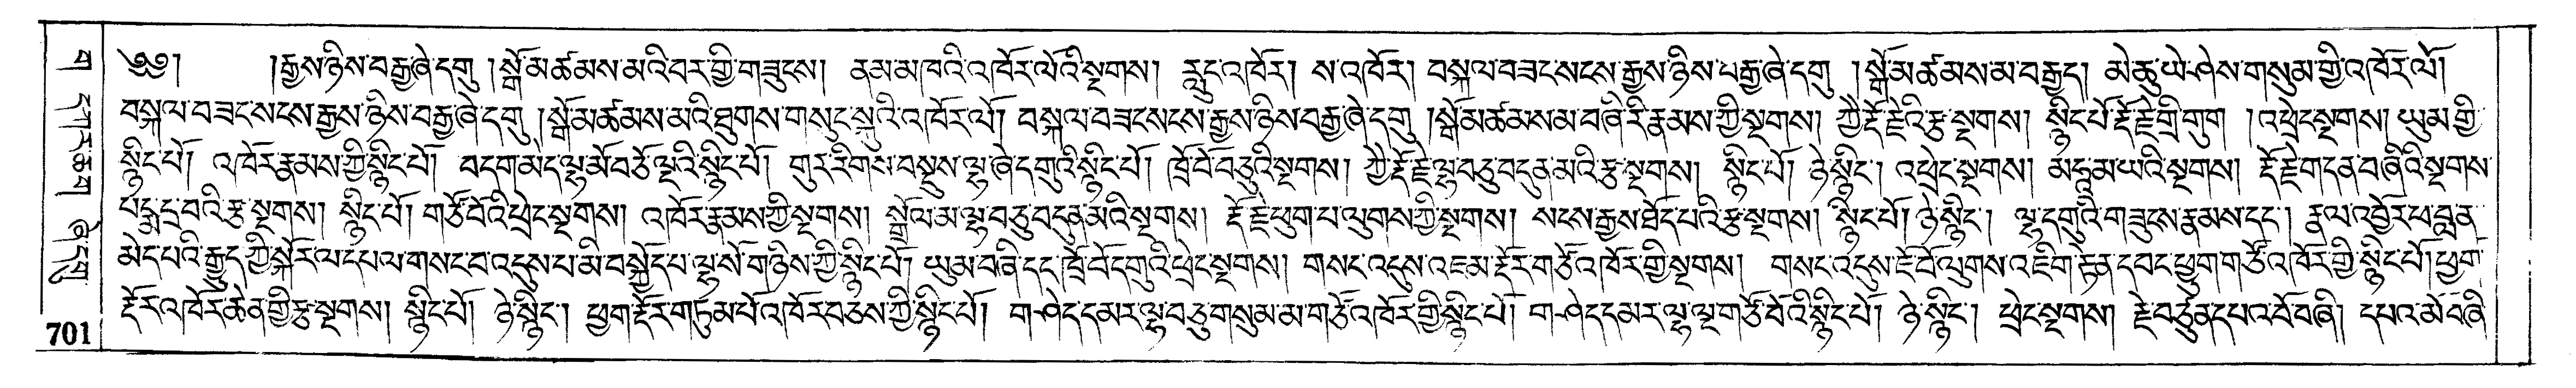༄༅། །རྒྱས་ཉིས་བརྒྱ་ཞེ་དགུ །སྒོ་མཚམས་མའི་བར་གྱི་གཟུངས། ནམ་མཁའི་འཁོར་ལོའི་སྔགས། རླུང་འཁོར། ས་འཁོར། བསྐལ་བཟང་སངས་རྒྱས་ཉིས་བརྒྱ་ཞེ་དགུ །སྒོ་མཚམས་མ་བརྒྱད། མེ་ཆུ་ཡེ་ཤེས་གསུམ་གྱི་འཁོར་ལོ།
བསྐལ་བཟང་སངས་རྒྱས་ཉིས་བརྒྱ་ཞེ་དགུ །སྒོ་མཚམས་མའི་ཐུགས་གསུང་སྐུའི་འཁོར་ལོ། བསྐལ་བཟང་སངས་རྒྱས་ཉིས་བརྒྱ་ཞེ་དགུ །སྒོ་མཚམས་མ་བཞི་རེ་རྣམས་ཀྱི་སྔགས། ཀྱཻ་རྡོ་རྗེའི་རྩ་སྔགས། སྙིང་པོའི་རྡོ་རྗེ་གྲི་གུག། །འཕྲེང་སྔགས། ཡུམ་གྱི་
སྙིང་པོ། འཁོར་རྣམས་ཀྱི་སྙིང་པོ། བདག་མེད་ལྷ་མོ་བཅོ་ལྔའི་སྙིང་པོ། གུར་རིགས་བསྡུས་ལྷ་ཞེ་དགུའི་སྙིང་པོ། ཁྲོ་བོ་བཅུའི་སྔགས། ཀྱཻ་རྡོ་རྗེ་ལྷ་བཅུ་བདུན་མའི་རྩ་སྔགས། སྙིང་པོ། ཉེ་སྙིང་། འཕྲེང་སྔགས། མཧཱ་མ་ཡའི་སྔགས། རྡོ་རྗེ་གདན་བཞིའི་སྔགས་
པདམ་དྲ་བའི་རྩ་སྔགས། སྙིང་པོ། གཙོ་བོའི་ཕྲེང་སྔགས། འཁོར་རྣམས་ཀྱི་སྔགས། སྒྲོལ་མ་ལྷ་བཅུ་བདུན་མའི་སྔགས། རྡོ་རྗེ་ཕུག་པ་ལུགས་ཀྱི་སྔགས། སངས་རྒྱས་ཐོད་པའི་རྩ་སྔགས། སྙིང་པོ། ཉེ་སྙིང་། ལྷ་དགུའི་གཟུངས་རྣམས་དང་། རྣལ་འབྱོར་ཕ་བླ་ན་
མེད་པའི་རྒྱུད་ཀྱི་སྐོར་ལ་དཔལ་གསང་བ་འདུས་པ་མི་བསྐྱོད་པ་ལྷ་སོ་གཉིས་ཀྱི་སྙིང་པོ། ཡུམ་བཞི་དང་ཁྲོ་བོ་དགུའི་ཕྲེང་སྔགས། གསང་འདུས་འཇམ་རྡོར་གཙོ་འཁོར་གྱི་སྔགས། གསང་འདུས་ཇོ་བོ་ལུགས་འཇིག་རྟེན་དབང་ཕྱུག་གཙོ་འཁོར་གྱི་སྙིང་པོ། ཕྱག་
རྡོར་འཁོར་ཆེན་གྱི་རྩ་སྔགས། སྙིང་པོ། ཉེ་སྙིང་། ཕྱག་རྡོར་གཏུམ་པོ་འཁོར་བཅས་ཀྱི་སྙིང་པོ། གཤེད་དམར་ལྷ་བཅུ་གསུམ་མ་གཙོ་འཁོར་གྱི་སྙིང་པོ། གཤེད་དམར་ལྷ་ལྔ་གཙོ་བོའི་སྙིང་པོ། ཉེ་སྙིང་། ཕྲེང་སྔགས། རྗེ་བཙུན་དཔའ་བོ་བཞི། དཔའ་མོ་བཞི་